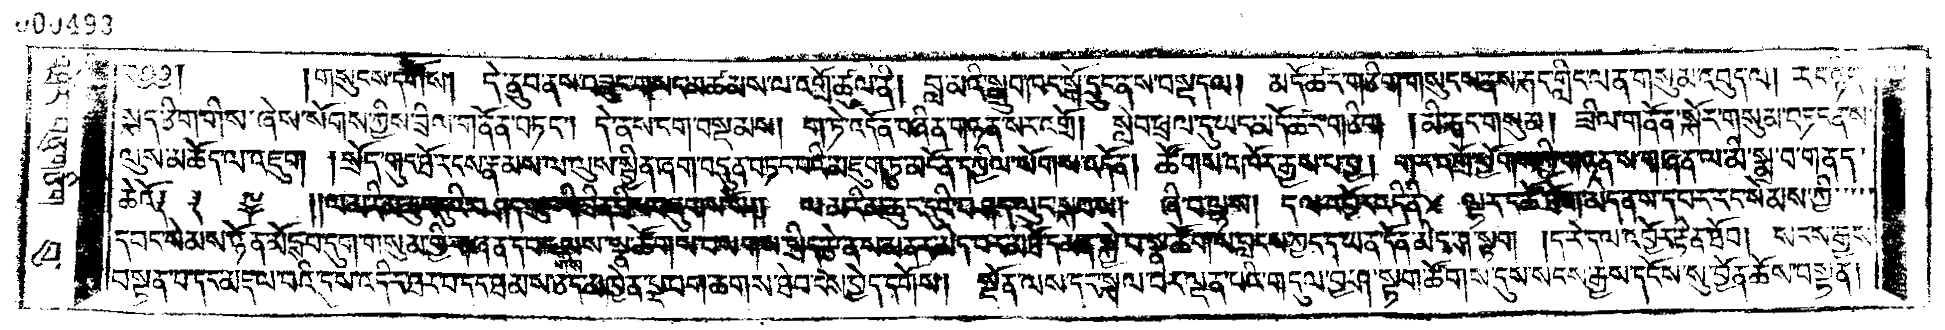༄༅། །གསུངས་དགོས། དེ་ནུབ་ནས་བཟུང་གསང་མཚམས་ལ་འགྲོ་ཚུལ་ནི། བླ་མའི་སྒྲུབ་ཁང་སྒོ་དྲུང་ནས་བསྡད་ལ། མདོ་ཚར་གཅིག་གསུངས་ནས་རྐང་གླིང་ལན་གསུམ་འབུད་ལ། རང་ཉིད་
སྐད་ཅིག་གིས་ཞེས་སོགས་ཀྱིས་བྲིལ་གནོན་བཏང་། དེ་ནས་ངག་བསྡམས། ག་ཏེ་འདོན་བཞིན་གཉན་སར་འགྲོ། སླེབ་ཕྲལ་དུ་ཡང་མདོ་ཚར་གཅིག །མི་རྐང་གསུམ། ཟིལ་གནོན་སྐོར་གསུམ་བཏང་ནས་
ལུས་མཆོད་ལ་འཇུག །སྲོད་གུང་ཐོ་རངས་རྣམས་ལ་ལུས་སྦྱིན་ཞག་བདུན་བཏང་བའི་མཇུག་ཏུ་མངོན་དཀྱིལ་སོགས་འདོན། ཚོགས་འཁོར་རྒྱས་པ་བྱ། གར་འགྲོ་ཕྱོགས་ཀྱི་གཉན་ས་གཞན་ལ་མི་སྨྲ་བ་གནད་
ཆེའོ༑ ༑ ༈ །།ལམ་རིམ་ཆུང་ངུའི་བཤད་ལུང་གི་ཟིན་བྲིས་བཞུགས་སོ།། ལམ་རིམ་ཆུང་ངུའི་བཤད་ལུང་སྐབས། ཞི་བ་ལྷས། དལ་འབྱོར་འདི་ནི྾་ལྟར་ང་ཚོ་ཐོག་མེད་ནས་ད་བར་རང་སེམས་ཀྱི་
དབང་སེམས་ཉོན་མོངས་པ་དུག་གསུམ་གྱི་གཞན་དབང་གིས་ལས་སྣ་ཚོགས་བསགས་སྲིད་རྩེ་ནས་མནར་མེད་བར་མཐོ་དམན་སྐྱེ་བ་སྣ་ཚོགས་བླངས་ཀྱང་ད་ཡན་དོན་མེད་ཤ་སྟག །ད་རེ་དལ་འབྱོར་རྟེན་ཐོབ། སངས་རྒྱས་
བསྟན་པ་དང་མཇལ་བའི་དུས་འདིར་ཐར་བ་དང་ཐམས་ཅད་མཁྱེན་པར་བག་ཆགས་ཐེབ་ངེས་བྱེད་དགོས། སྔོན་ལས་དང་སྐལ་བར་ལྡན་པའི་གདུལ་བྱ་ཤ་སྟག་ཚོགས་དུས་སངས་རྒྱས་དངོས་སུ་བྱོན་ཆོས་བསྟན།